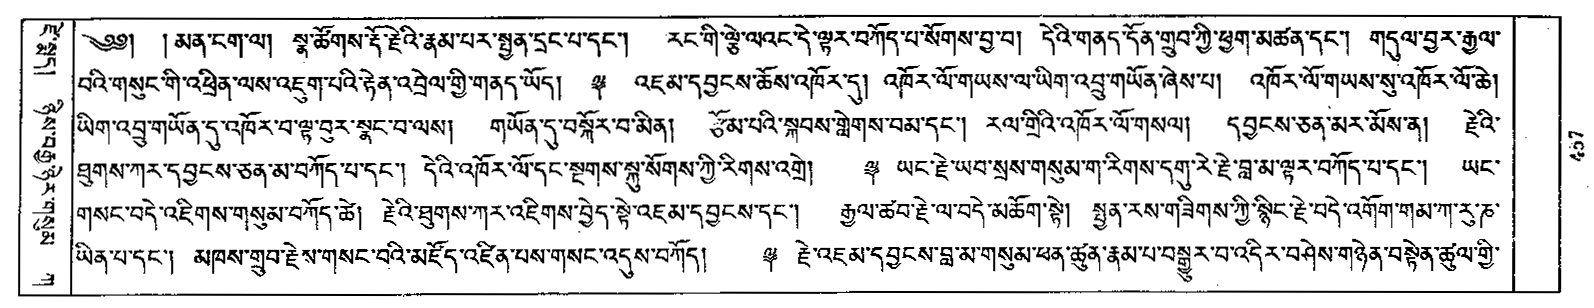༄༅། །མན་ངག་ལ། སྣ་ཚོགས་རྡོ་རྗེའི་རྣམ་པར་སྤྱན་དྲང་པ་དང་། རང་གི་ལྕེ་ལའང་དེ་ལྟར་བཀོད་པ་སོགས་བྱ་བ། དེའི་གནད་དོན་གྲུབ་ཀྱི་ཕྱག་མཚན་དང་། གདུལ་བྱར་རྒྱལ་
བའི་གསུང་གི་འཕྲིན་ལས་འཇུག་པའི་རྟེན་འབྲེལ་གྱི་གནད་ཡོད། ༈ འཇམ་དབྱངས་ཆོས་འཁོར་དུ། འཁོར་ལོ་གཡས་ལ་ཡིག་འབྲུ་གཡོན་ཞེས་པ། འཁོར་ལོ་གཡས་སུ་འཁོར་ལོ་ཆེ།
ཡིག་འབྲུ་གཡོན་དུ་འཁོར་བ་ལྟ་བུར་སྣང་བ་ལས། གཡོན་དུ་བསྐོར་བ་མིན། རྩོམ་པའི་སྐབས་གླེགས་བམ་དང་། རལ་གྲིའི་འཁོར་ལོ་གསལ། དབྱངས་ཅན་མར་མོས་ན། རྗེའི་
ཐུགས་ཀར་དབྱངས་ཅན་མ་བཀོད་པ་དང་། དེའི་འཁོར་ལོ་དང་སྔགས་སྐུ་སོགས་ཀྱི་རིགས་འགྲེ། ༈ ཡང་རྗེ་ཡབ་སྲས་གསུམ་ག་རིགས་དགུ་རེ་རྗེ་བླ་མ་ལྟར་བཀོད་པ་དང་། ཡང་
གསང་བདེ་འཇིགས་གསུམ་བཀོད་ཚེ། རྗེའི་ཐུགས་ཀར་འཇིགས་བྱེད་སྟེ་འཇམ་དབྱངས་དང་། རྒྱལ་ཚབ་རྗེ་ལ་བདེ་མཆོག་སྟེ། སྤྱན་རས་གཟིགས་ཀྱི་སྙིང་རྗེ་བདེ་འགོག་གམ་ཀ་རུ་ཎ་
ཡིན་པ་དང་། མཁས་གྲུབ་རྗེས་གསང་བའི་མཛོད་འཛིན་པས་གསང་འདུས་བཀོད། ༈ རྗེ་འཇམ་དབྱངས་བླ་མ་གསུམ་ཕན་ཚུན་རྣམ་པ་བསྒྱུར་བ་འདིར་བཤེས་གཉེན་བསྟེན་ཚུལ་གྱི་